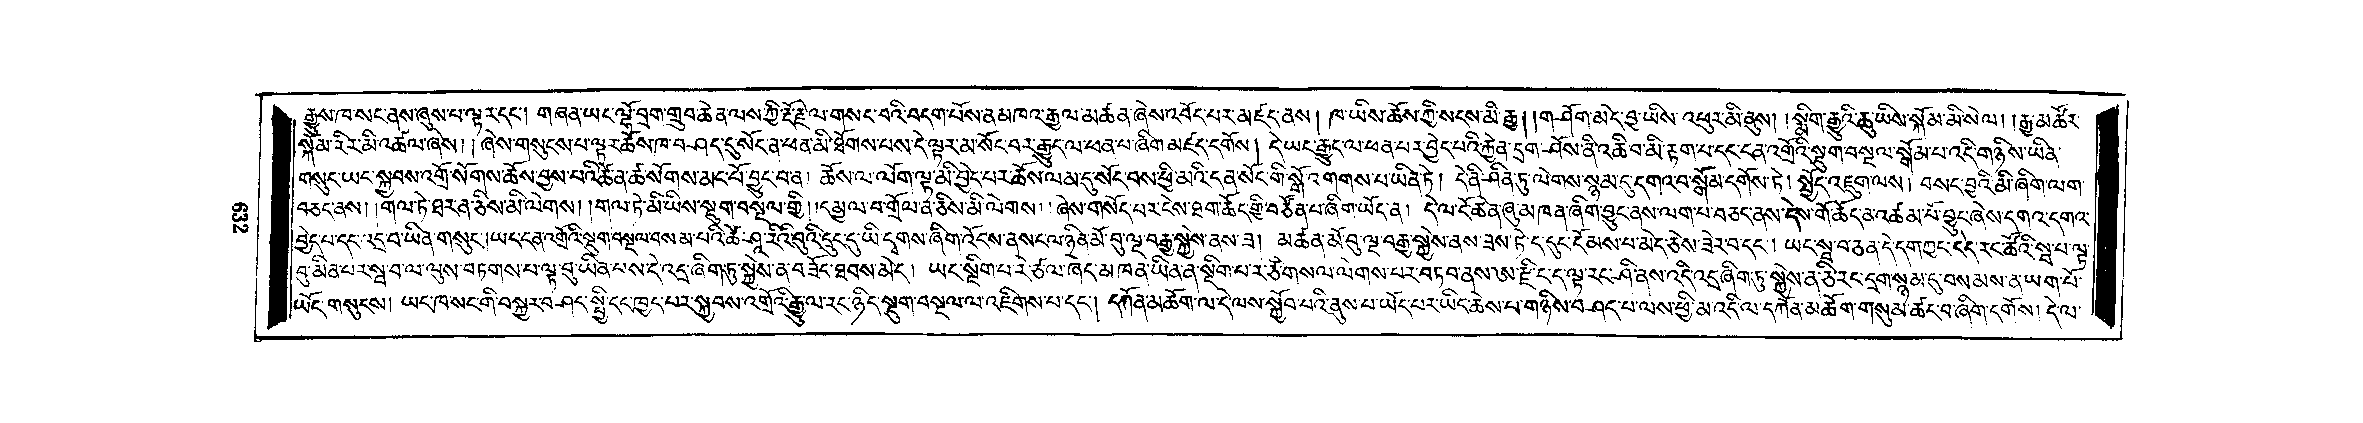རྒྱུས་ཁ་སང་ནས་ཞུས་པ་ལྟར་དང་། གཞན་ཡང་ལྷོ་བྲག་གྲུབ་ཆེན་ལས་ཀྱི་རྡོ་རྗེ་ལ་གསང་བའི་བདག་པོས་ནམ་མཁའ་རྒྱལ་མཚན་ཞེས་འབོད་པར་མཛད་ནས། ཁ་ཡིས་ཆོས་ཀྱི་སངས་མི་རྒྱ། །གཤོག་མེད་བྱ་ཡིས་འཕུར་མི་ནུས། །སྨིག་རྒྱུའི་ཆུ་ཡིས་སྐོམ་མི་སེལ། །རྒྱ་མཚོར་
སྐོམ་རིར་མི་འཚལ་ཞེས། །ཞེས་གསུངས་པ་ལྟར་ཆོས་ཁ་བཤད་དུ་སོང་ན་ཕན་མི་ཐོགས་པས་དེ་ལྟར་མ་སོང་བར་རྒྱུད་ལ་ཕན་པ་ཞིག་མཛད་དགོས། དེ་ཡང་རྒྱུད་ལ་ཕན་པར་བྱེད་པའི་རྐྱེན་དྲག་ཤོས་ནི་འཆི་བ་མི་རྟག་པ་དང་ངན་འགྲོའི་སྡུག་བསྔལ་སྒོམ་པ་འདི་གཉིས་ཡིན་
གསུང་ཡང་སྐྱབས་འགྲོ་སོགས་ཆོས་བྱས་པའི་ཚེ་ན་ཚ་སོགས་མང་པོ་བྱུང་བ་ན། ཆོས་ལ་ལོག་ལྟ་མི་བྱེད་པར་ཆོས་ལམ་དུ་སོང་བས་ཕྱི་མའི་ངན་སོང་གི་སྒོ་འགགས་པ་ཡིན་ཏེ། དེ་ནི་ཤིན་ཏུ་ལེགས་སྙམ་དུ་དགའ་བ་སྒོམ་དགོས་ཏེ། སྤྱོད་འཇུག་ལས། བསད་བྱའི་མི་ཞིག་ལག་
བཅད་ནས། །གལ་ཏེ་ཐར་ན་ཅིས་མི་ལེགས། །གལ་ཏེ་མི་ཡིས་སྡུག་བསྔལ་གྱི། །དམྱལ་བ་གྲོལ་ན་ཅིས་མི་ལེགས། །ཞེས་གསོད་པར་ངེས་ཐག་ཆོད་གྱི་བཙོན་པ་ཞིག་ཡོད་ན། དེ་ལ་ངོ་ཆེན་ཞུ་མཁན་ཞིག་བྱུང་ནས་ལག་པ་བཅད་ནས་དེས་གོ་ཆོད་ན་འཚམ་པོ་བྱུང་ཞེས་དགའ་དགའ་
བྱེད་པ་དང་འདྲ་བ་ཡིན་གསུང་། ཡང་ངན་འགྲོའི་སྡུག་བསྔལ་བསམ་པའི་ཚེ་ཤཱ་རིའི་བུའི་དྲུང་དུ་ཡི་དྭགས་ཞིག་འོངས་ནས་ང་ལ་ཉིན་མོ་བུ་ལྔ་བརྒྱ་སྐྱེས་ནས་ཟ། མཚན་མོ་བུ་ལྔ་བརྒྱ་སྐྱེས་ནས་ཟས་ཏེ་ད་དུང་ངོམས་པ་མེད་ཅེས་ཟེར་བ་དང་། ཡང་སྦ་བ་ཅན་དེ་དག་ཀྱང་ངེད་རང་ཚོའི་སྦ་བ་ལྟ་
བུ་མིན་པར་སྦ་བ་ལ་ལུས་བཏགས་པ་ལྟ་བུ་ཡིན་པས་དེ་འདྲ་ཞིག་ཏུ་སྐྱེས་ན་བཟོད་ཐབས་མེད། ཡང་སྡིག་པ་རེ་ཙ་ལ་ཞེད་མཁན་ཡིན་ན་སྡིག་པ་ར་ཙི་གསལ་ལེགས་པར་བཏབ་ནས་ཨ་རྫི་ང་ད་ལྟ་རང་ཤི་ནས་འདི་འདྲ་ཞིག་ཏུ་སྐྱེས་ན་ཅི་རང་དྲག་སྙམ་དུ་བསམས་ན་ཡག་པོ་
ཡོད་གསུངས། ཡང་ཁ་སང་གི་བསྐྱར་བཤད་སྤྱི་དང་ཁྱད་པར་སྐྱབས་འགྲོའི་རྒྱུ་ལ་རང་ཉིད་སྡུག་བསྔལ་ལ་འཇིགས་པ་དང་། དཀོན་མཆོག་ལ་དེ་ལས་སྐྱོབ་པའི་ནུས་པ་ཡོད་པར་ཡིད་ཆེས་པ་གཉིས་བཤད་པ་ལས་ཕྱི་མ་འདི་ལ་དཀོན་མཆོག་གསུམ་ཚང་བ་ཞིག་དགོས། དེ་ལ་